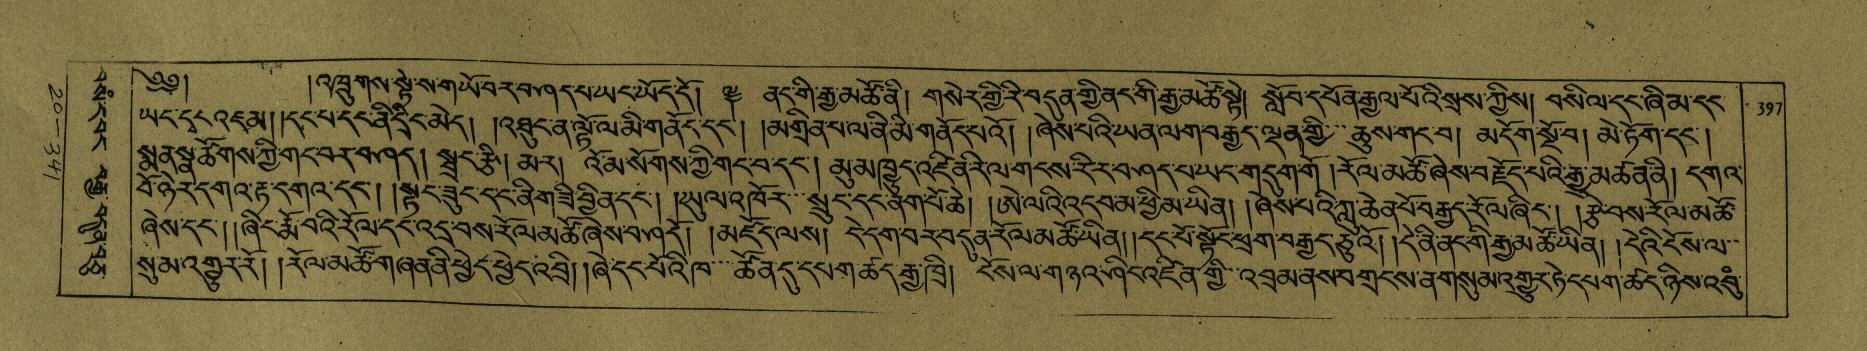༄༅། །འཁྲུགས་སྟེ་ས་གཡོ་བར་བཤད་པ་ཡང་ཡོད་དོ། ༈ ནང་གི་རྒྱ་མཚོ་ནི། གསེར་གྱི་རི་བདུན་གྱི་ནང་གི་རྒྱ་མཚོ་སྟེ། སློབ་དཔོན་རྒྱལ་པོའི་སྲས་ཀྱིས། བསིལ་དང་ཞི་མ་དང་
ཡང་དྭང་འཇམ། །དང་པ་དང་ནི་དྲི་ང་མེད། །འཐུང་ན་ལྟོ་ལ་མི་གནོད་དང་། །མགྲིན་པ་ལ་ནི་མི་གནོད་པའོ། །ཞེས་པའི་ཡན་ལག་བརྒྱད་ལྡན་གྱི་ཆུས་གང་བ། མདོག་སྔོ་བ། མེ་ཏོག་དང་།
སྨན་སྣ་ཚོགས་ཀྱི་གང་བར་བཤད། སྦྲང་རྩི། མར། འོ་མ་སོགས་ཀྱི་གང་བ་དང་། མུ་མཁྱུད་འཛིན་རི་ལ་གངས་རིར་བཤད་པ་ཡང་གདུག་གོ། །རོལ་མཚོ་ཞེས་བརྗོད་པའི་རྒྱུ་མཚན་ནི། དགའ་
བོ་ཉེར་དགའ་རྟ་དགའ་དང་། །སྟང་ཟུང་དང་ནི་གཟི་བྱིན་དང་། །ཡུལ་འཁོར་སྲུང་དང་ནག་པོ་ཆེ། །ཨེ་ལའི་འདབ་མ་ཕྱི་མ་ཡིན། །ཞེས་པའི་ཀླུ་ཆེན་པོ་བརྒྱད་རོལ་ཞིང་། །རྩེ་བས་རོལ་མཚོ་
ཞེས་དང་། །ཞིང་རྨོ་བའི་རོལ་དང་འདྲ་བས་རོལ་མཚོ་ཞེས་བཤདོ། །མཛོད་ལས། དེ་དག་བར་བདུན་རོལ་མཚོ་ཡིན། །དང་པོ་སྟོང་ཕྲག་བརྒྱད་ཅུའོ། །དེ་ནི་ནང་གི་རྒྱ་མཚོ་ཡིན། །དེའི་ངོས་ལ་
སུམ་འགྱུར་རོ། །རོལ་མཚོ་གཞན་ནི་ཕྱེད་ཕྱེད་འབྲི། །ཞེ་དང་པོའི་ཁ་ཚོན་དུ་དཔག་ཚད་རྒྱ་ཁྲི། ངོས་ལ་གཉའ་ཤིང་འཛིན་གྱི་འབྲམ་ནས་བགྲངས་ན་གསུམ་འགྱུར་ཏེ་དཔག་ཚད་ཉིས་འབུཾ་